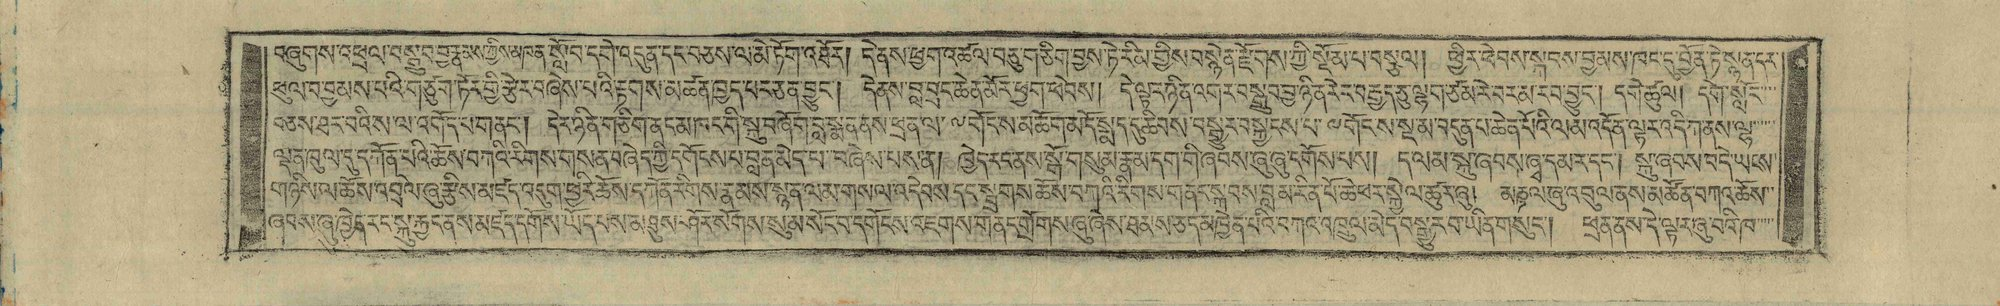བཞུགས་འཕྲལ་བསྒྲུབ་བྱ་རྣམས་ཀྱིས་མཁན་སློབ་དགེ་འདུན་དང་བཅས་ལ་མེ་ཏོག་འཐོར། དེ་ནས་ཕྱག་འཚལ་བཅུ་གཅིག་བྱས་ཏེ་རིམ་གྱིས་བསྙེན་རྫོགས་ཀྱི་སྡོམ་པ་བསྩལ། ཕྱིར་ཕེབས་སྐབས་བྱམས་ཁང་དུ་བྱོན་ཏེ་སྙན་དང་
ཕུལ་བ་བྱམས་པའི་གཙུག་ཏོར་གྱི་རྩེར་བཞེས་པའི་རྟགས་མཚན་ཁྱད་པར་ཅན་བྱུང་། དེ་ནས་བླ་བྲང་ཆེན་མོར་ཕྱག་ཕེབས། དེ་ལྟར་ཉིན་འགར་བསྒྲུབ་བྱ་ཉིན་རེར་བརྒྱད་ཅུ་ལྷག་ཙམ་རེ་བར་མ་རབ་བྱུང་། དགེ་ཚུལ། དགེ་སློང་
བཅས་ཐར་བའི་ས་ལ་འགོད་པ་གནང་། དེར་ཉིན་གཅིག་ནང་མ་ཁང་གི་སྐུ་བཞོག་བླ་སྨན་ནས་ཕྲན་ལ་༧་གོང་ས་མཆོག་མདོ་སྨད་དུ་ཆིབས་བསྒྱུར་བསྐྱངས་པ་༧་གོང་ས་སྔ་མ་བདུན་པ་ཆེན་པོའི་ལམ་འདོན་ལྟར་འདི་ཀ་ནས་ལྷ་
ལྡན་ཁུལ་དུ་དཀོན་པའི་ཆོས་བཀའི་རིགས་གསན་བཞེད་ཀྱི་དགོངས་པ་བླ་ན་མེད་པ་བཞེས་པས་ན། ཁྱེད་རང་ནས་སྒོ་གསུམ་རྣམ་དག་གི་ཞབས་ཞུ་ཞུ་དགོས་པས། ད་ལམ་སྐུ་ཞབས་ཞྭ་དམར་དང་། སྐུ་ཞབས་བདེ་ཡངས་
གཉིས་ལ་ཆོས་འབྲེལ་ཞུ་རྩིས་མཛད་འདུག་ཕྱིར་ཆོས་དཀོན་རིགས་རྣམས་སྙན་ལམ་གསལ་འདེབས་དང་སྦྲགས་ཆོས་བཀའི་རིགས་གནང་སྐབས་བླ་མ་རིན་པོ་ཆེ་ཕར་སྐྱེལ་ཚུར་ཞུ། མཎྜལ་ཞུ་འབུལ་ནས་མཚོན་བཀའ་ཆོས་
ཞབས་ཞུ་ཁྱེད་རང་སྐུ་རྐྱང་ནས་མཛད་དགོས་ཡོད་པས་མཐུས་ཤོར་སོགས་སུ་མ་སོང་བ་དགོངས་འཇགས་གནང་གྲོགས་ཞུ་ཞེས་ཐམས་ཅད་མཁྱེན་པའི་བཀའ་འཁྲུལ་མེད་བསྒྱུར་བ་ཡིན་གསུང་། ཕྲན་ནས་དེ་ལྟར་ཞུ་བའི་ཁ་